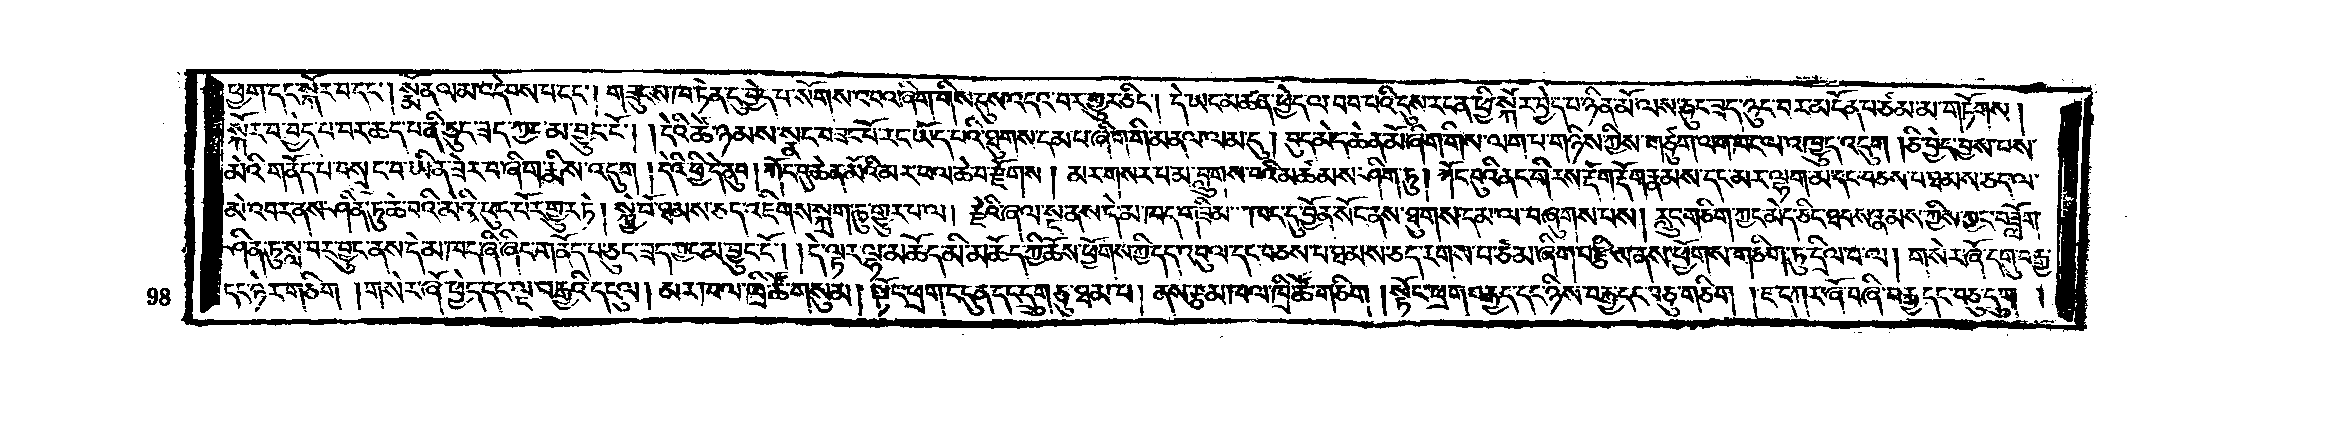ཕྱག་དང་སྐོར་བ་དང་། སྨོན་ལམ་འདེབས་པ་དང་། གཟུངས་ཁ་ཏེན་དུ་བྱེད་པ་སོགས་འབའ་ཞིག་གིས་དུས་འདའ་བར་གྱུར་ཅིང་། དེ་ཡང་མཚན་ཕྱེད་ལ་བབ་པའི་དུས་རང་ན་ཕྱི་སྐོར་བྱེད་པ་ཉིན་མོ་ལས་ཅུང་ཟད་ཉུང་བར་མངོན་པ་ཙམ་མ་གཏོགས།
སྐོར་བ་བྱེད་པ་བར་ཆད་པ་ནི་ཅུང་ཟད་ཀྱང་མ་བྱུང་ངོ། །དེའི་ཚེ་ཉམས་སྣང་བཟང་པོ་རང་ཡོད་པའི་ཐུགས་དམ་པ་ཞིག་གི་མནལ་ལམ་དུ། བུད་མེད་ཆེན་མོ་ཞིག་གིས་ལག་པ་གཉིས་ཀྱིས་གཙུག་ལག་ཁང་ལ་འཁྱུད་འདུག །ཅི་བྱེད་བྱས་པས་
མེའི་གནོད་པ་བསྲུང་བ་ཡིན་ཟེར་བ་ཞིག་རྨིས་འདུག །དེའི་ཕྱི་དེ་ནུབ། ཀོང་བུ་ཆེན་མོའི་མར་ཕལ་ཆེ་བ་རྫོགས། མར་གསར་པ་མ་བླུགས་པའི་མཚམས་ཤིག་ཏུ། ཀོང་བུའི་ནང་གི་རས་རྡོག་རྡོག་རྣམས་དང་མར་ལྷག་མ་དང་བཅས་པ་ཐམས་ཅད་ལ་
མེ་འབར་ནས་ཤིན་ཏུ་ཆེ་བའི་མེའི་ཕུང་པོར་གྱུར་ཏེ། སྐྱེ་བོ་ཐམས་ཅད་འཇིགས་སྐྲག་ཏུ་གྱུར་པ་ལ། རྗེའི་ཞལ་སྔ་ནས་དེ་མ་ཁད་གཟིམ་ཁང་དུ་བྱོན་སོང་ནས་ཐུགས་དམ་ལ་བཞུགས་པས། རླུང་གཅིག་ཀྱང་མེད་ཅིང་ཐབས་རྣམས་ཀྱིས་ཀྱང་བཟློག་
ཤིན་ཏུ་སླ་བར་བྱུང་ནས་དེ་མ་ཁད་ཞི་ཞིང་གནོད་པ་ཅུང་ཟད་ཀྱང་མ་བྱུང་ངོ། །དེ་ལྟར་ལྷ་མཆོད་མི་མཆོད་ཀྱི་ཆོས་ཕྱོགས་ཀྱི་དད་འབུལ་དང་བཅས་པ་ཐམས་ཅད་རགས་པ་ཙམ་ཞིག་བརྩིས་ནས་ཕྱོགས་གཅིག་ཏུ་དྲིལ་བ་ལ། གསེར་ཞོ་དགུ་བརྒྱ་
དང་ཉེར་གཅིག །གསེར་ཞོ་ཕྱེད་དང་ལྔ་བརྒྱའི་དངུལ། མར་ཁལ་ཁྲི་ཚོ་གསུམ། སྟོང་ཕྲག་བདུན་དང་དྲུག་ཅུ་ཐམ་པ། ནས་རྩམ་ཁལ་ཁྲི་ཚོ་གཅིག །སྟོང་ཕྲག་བརྒྱད་དང་ཉིས་བརྒྱ་དང་བཅུ་གཅིག །ཇ་དཀར་ཞོ་བཞི་བརྒྱ་དང་བཅུ་དྲུག །